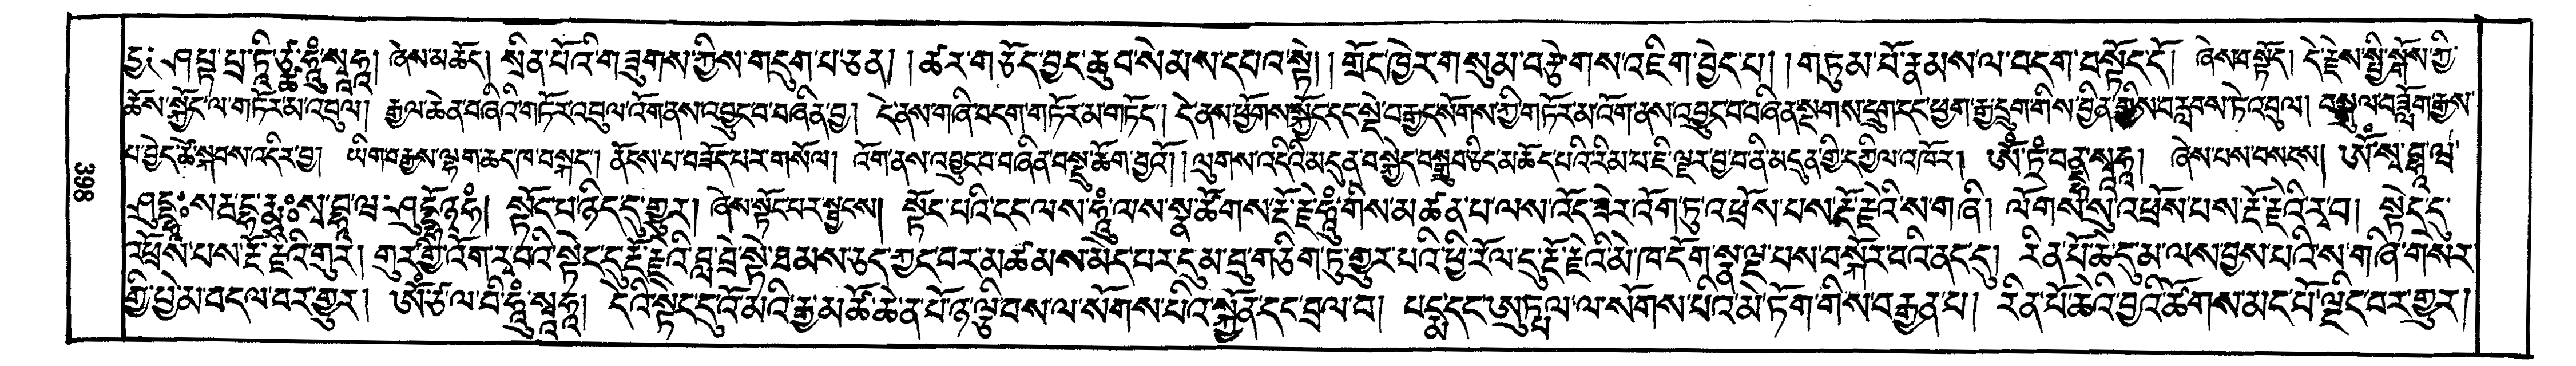བྱ༑ ཤཔྟ་པྲ་ཏཱི་ཙྪ་ཧཱུཾ་སྭཱཧཱ། ཞེས་མཆོད། སྲིན་པོའི་གཟུགས་ཀྱིས་གདུག་པ་ཅན། །ཚར་གཅོད་བྱང་ཆུབ་སེམས་དཔའ་སྟེ། །གྲོང་ཀྱེར་གསུམ་བརྩེགས་འཇིག་བྱེད་པ། །གཏུམ་པོ་རྣམས་ལ་བདག་བསྟོད་དོ། ཞེས་བསྟོད། དེ་རྗེས་སྤྱིས་གོས་ཀྱི་
ཆོས་སྐྱོང་ལ་གཏོར་མ་འབུལ། རྒྱལ་ཆེན་བཞིའི་གཏོར་འབུལ་འོག་ནས་འབྱུང་བ་བཞིན་བྱ། དེ་ནས་གཞི་བདག་གཏོར་མ་གཏོང་། དེ་ནས་ཕྱོགས་སྐྱོང་དང་སྡེ་བརྒྱད་སོགས་ཀྱི་གཏོར་མ་འོག་ནས་འབྱུང་བ་བཞིན་སྔགས་དྲུག་དང་ཕྱག་རྒྱ་དྲུག་གིས་བྱིན་གྱིས་བརླབས་ཏེ་འབུལ། བསྐུལ་བཟློག་རྒྱས་
པ་བྱེད་ཚེ་སྐབས་འདིར་བྱ། ཡིག་བརྒྱས་ལྷག་ཆང་ཁ་བསྐང་། ནོངས་པ་བཟོད་པར་གསོལ། འོག་ནས་འབྱུང་བ་བཞིན་བསྡུ་ཆོག་བྱའོ། །ལུགས་འདིའི་མདུན་བསྐྱེད་བསྒྲུབ་ཅིང་མཆོད་པའི་རིམ་པ་ཇི་ལྟར་བྱ་བ་ནི་མདུན་གྱི་དཀྱིལ་འཁྲོ། ཨོཾ་ཏྲཾ་བནྡྷ་སྭཱཧཱ། ཞེས་པས་བསངས། ཨོཾ་སྭ་བྷཱ་ཝ་
ཤུདྡྷའཿ སརྦ་དྷརྨཱཿ སྭ་བྷཱ་ཝ་ཤུདྡྷོཉཧཾ། སྟོང་པ་ཉིད་དུ་གྱུར། ཞེས་སྟོང་པར་སྦྱངས། སྟོང་པའི་ངང་ལས་ཧཱུཾ་ལས་སྣ་ཚོགས་རྡོ་རྗེ་ཧཱུཾ་གིས་མཚན་པ་ལས་འོད་ཟེར་འོག་ཏུ་འཕྲོས་པས་རྡོ་རྗེའི་ས་གཞི། ལོགས་སུ་འཕྲོས་པས་རྡོ་རྗེའི་རྭ་བ། སྟེང་དུ་
འཕྲོས་པས་རྡོ་རྗེའི་གུར། གུར་གྱི་འགོ་རྭ་བའི་སྟེང་དུ་རྡོ་རྗེའི་བླ་བྲེ་སྟེ་ཐམས་ཅད་ཀྱང་བར་མཚམས་མེད་པར་དུམ་བུ་གཅིག་ཏུ་གྱུར་པའི་ཕྱི་རོལ་དུ་རྡོ་རྗེའི་མེ་ཁ་དོག་སྣ་ལྔ་པས་བསྐོར་བའི་ནང་དུ། རིན་པོ་ཆེ་དུ་མ་ལས་བྱས་པའི་ས་གཞི་གསེར་
གྱི་བྱེ་མ་བདལ་བར་གྱུར། ཨོཾ་ཙ་ལ་བི་ཧཱུཾ་སྭཱཧཱ། དེའི་སྟེང་དུ་འོ་མའི་རྒྱ་མཚོ་ཆེན་པོ་ཉ་ལྕིགས་ལ་སོགས་པའི་སྐྱོན་དང་བྲལ་བ། པདམ་དང་ཨུཏྤལ་ལ་སོགས་པའི་མེ་ཏོག་གིས་བརྒྱན་པ། རིན་པོ་ཆེའི་བྱའི་ཚོགས་མང་པོ་ལྡིང་བར་གྱུར།